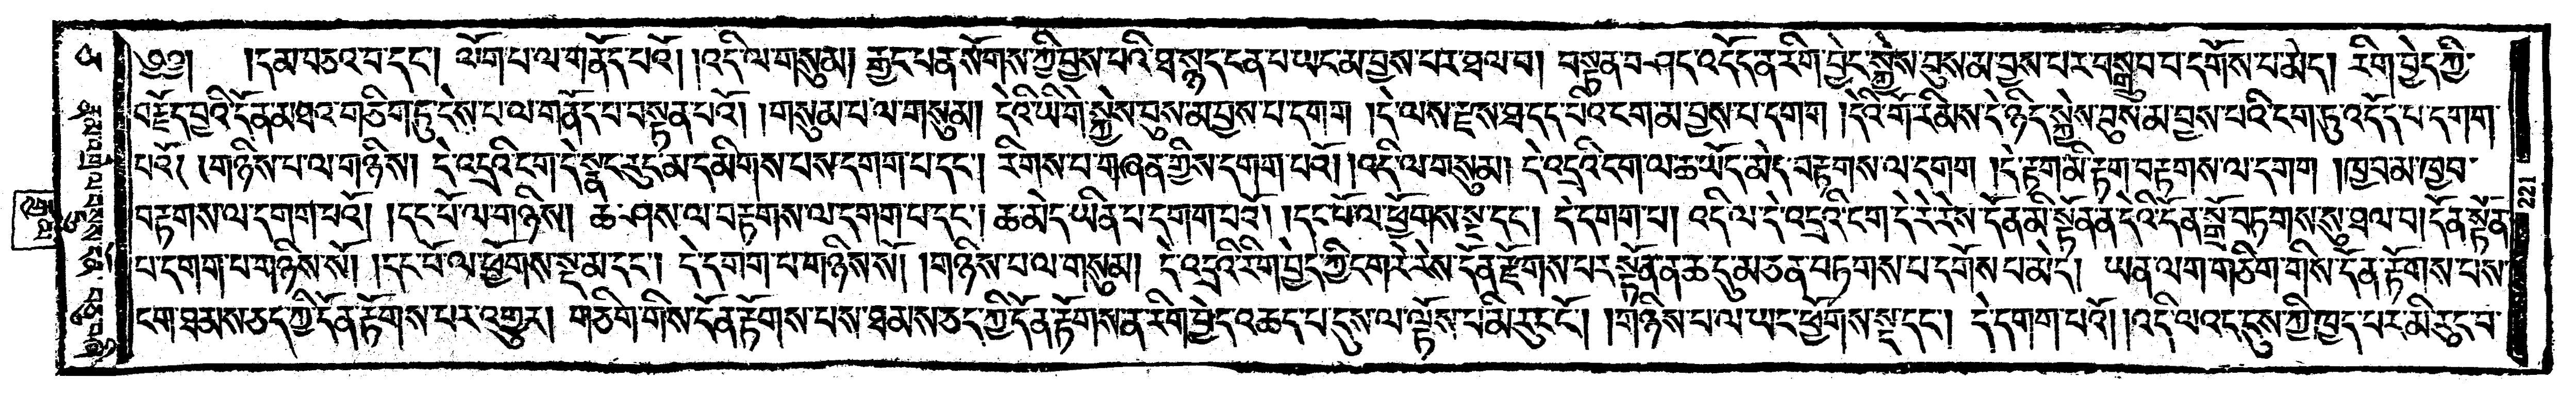༄༅། །དམ་བཅའ་བ་དང་། ལོག་པ་ལ་གནོད་པའོ། །འདི་ལ་གསུམ། རྒྱང་པན་སོགས་ཀྱི་བྱས་པའི་ཐ་སྙད་ངན་པ་ཡང་མ་བྱས་པར་ཐལ་བ། བསྟན་བཤད་འདོད་ན་རིག་བྱེད་སྐྱེས་བུས་མ་བྱས་པར་བསྒྲུབ་པ་དགོས་པ་མེད། རིག་བྱེད་ཀྱི་
བརྗོད་བྱའི་དོན་མཐའ་གཅིག་ཏུ་ངེས་པ་ལ་གནོད་པ་བསྟན་པའོ། །གསུམ་པ་ལ་གསུམ། དེའི་ཡི་གེ་སྐྱེས་བུས་མ་བྱས་པ་དགག །དེ་ལས་རྫས་ཐ་དད་པའི་ངག་མ་བྱས་པ་དགག །དེའི་གོ་རིམས་དེ་ཉིད་སྐྱེས་བུས་མ་བྱས་པའི་ངག་ཏུ་འདོད་པ་དགག་
པའོ། །གཉིས་པ་ལ་གཉིས། དེ་འདྲའི་ངག་དེ་སྣང་རུང་མ་དམིགས་པས་དགག་པ་དང་། རིགས་པ་གཞན་གྱིས་དགག་པའོ། །འདི་ལ་གསུམ། དེ་འདྲའི་ངག་ལ་ཆ་ཡོད་མེད་བརྟགས་ལ་དགག །དེ་རྟག་མི་རྟག་བརྟགས་ལ་དགག །ཁྱབ་མ་ཁྱབ་
བརྟགས་ལ་དགག་པའོ། །དང་པོ་ལ་གཉིས། ཆ་ཤས་ལ་བརྟགས་ལ་དགག་པ་དང་། ཆ་མེད་ཡིན་པ་དགག་པའོ། །དང་པོ་ལ་ཕྱོགས་སྔ་དང་། དེ་དགག་པ། འདི་ལ་དེ་འདྲའི་ངག་དེ་རེ་རེས་དོན་མི་སྟོན་ན་དེའི་དོན་སྒྲོ་བཏགས་སུ་ཐལ་བ། དོན་སྟོན་
པ་དགག་པ་གཉིས་སོ། །དང་པོ་ལ་ཕྱོགས་སྔ་མ་དང་། དེ་དགག་པ་གཉིས་སོ། །གཉིས་པ་ལ་གསུམ། དེ་འདྲའི་རིག་བྱེད་ཀྱི་ངག་རེ་རེས་དོན་རྫོགས་པར་སྟོན་ན་ཆ་དུ་མ་ཅན་བཏགས་པ་དགོས་པ་མེད། ཡན་ལག་གཅིག་གིས་དོན་རྟོགས་པས་
ངག་ཐམས་ཅད་ཀྱི་དོན་རྟོགས་པར་འགྱུར། གཅིག་གིས་དོན་རྟོགས་པས་ཐམས་ཅད་ཀྱི་དོན་རྟོགས་ན་རིག་བྱེད་འཆད་པ་དུས་ལ་ལྟོས་པ་མི་རུང་ངོ། །གཉིས་པ་ལ་ཡང་ཕྱོགས་སྔ་དང་། དེ་དགག་པའོ། །འདི་ལའང་དུས་ཀྱི་ཁྱད་པར་མི་རུང་བ་